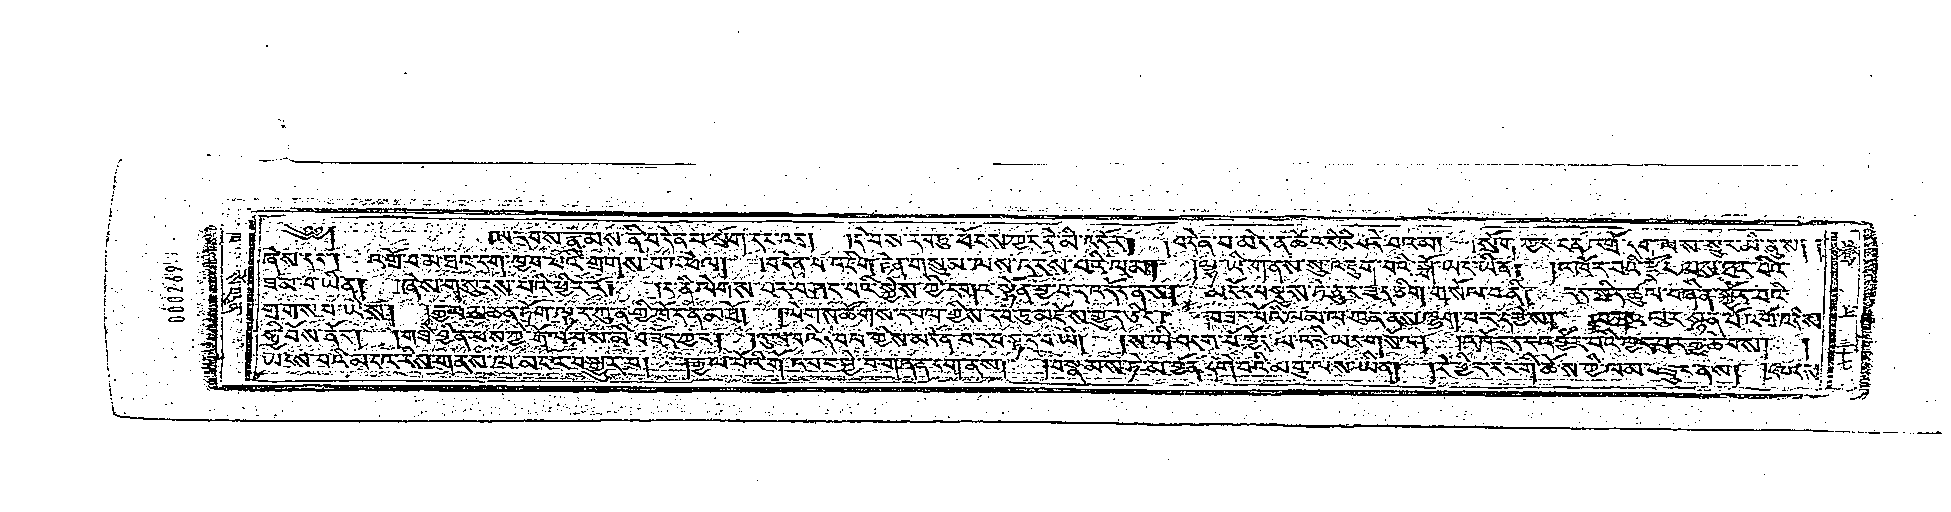༄༅། །ཡ་རབས་རྣམས་ནི་བདེན་པ་སྲོག་དང་འདྲ། །དེ་བས་རབ་ཏུ་ཕོངས་ཀྱང་དེ་མི་འདོར། །བདེན་བ་མེད་ན་ཚེ་འདི་ཁི་བདེ་བའམ། །སྲོག་ཀྱང་ངན་འགྲོ་དག་ལས་སྲུང་མི་ནུས། །
ཞེས་དང་། འགྲོ་བ་མཐའ་དག་ཁྱབ་པའི་གྲགས་པ་འཕེལ། །བདེན་པ་འཇིག་རྟེན་གསུམ་ལས་འདས་པའི་ལམ། །ལྷ་ཡི་གནས་སུ་འཇུག་པའི་སྒོ་ཡང་ཡིན། །འཁོར་བའི་རྫོད་ལས་ཐར་བའི་
ཟམ་པ་ཡིན། །ཞེས་གསུངས་པའི་ཕྱིར་རོ། །ད་ནི་ལེགས་པར་བཤད་པའི་སྐྱེས་ཀྱི་དགའ་སྟོན་བྱ་བར་འདོད་ནས། མདོར་བསྡུས་ཏེ་ཅུང་ཟད་ཅིག་གསོལ་བ་ནི། དར་སྲིད་ཚུལ་བཞིན་སྐྱོང་བའི་
གྲགས་པ་ཡིས། །རྒྱལ་མཚན་ཏོག་ལྟར་ཀུན་གྱི་ཁྲོད་ན་མཐོ། །ལེགས་ཚོགས་དཔལ་གྱིས་རབ་ཏུ་མཛོས་གྱུར་ཅིང་། །བཟང་པོའི་ལམ་ལ་ཀུན་ནས་ལྷག་པར་དགྱེས། །བཀའ་ལུང་སྙན་པོ་འགྲོ་འདིས་
སྤྱི་བོས་ནོད། །གཟི་བྱིན་ཕས་ཀྱི་རྒོལ་བས་མི་བཟོད་ཀྱང་། །དུལ་བའི་དཔལ་གྱིས་མངོན་བར་བསྟད་བ་ཡི། །ས་ཡི་བདག་བོ་ཁྱོད་ལ་འདི་ལང་གསོལ། །འཁོར་དང་འབྱོར་བའི་ཁྱད་པར་རྒྱ་ཆེ་བས། །
ཡངས་པའི་མངའ་རིས་གནས་ལ་མངའ་བསྒྱུར་བ། །རྒྱལ་པོའི་གོ་འཕང་སྐྱེ་བ་གཞན་དག་ནས། །བསྣམས་ཏེ་མ་བྱོན་དགེ་བའི་མ་བུ་ལས་ཡིན། །དེ་ཕྱིར་རང་གི་ཆོས་ཀྱི་ལམ་བཟུང་ནས། །འབངས་